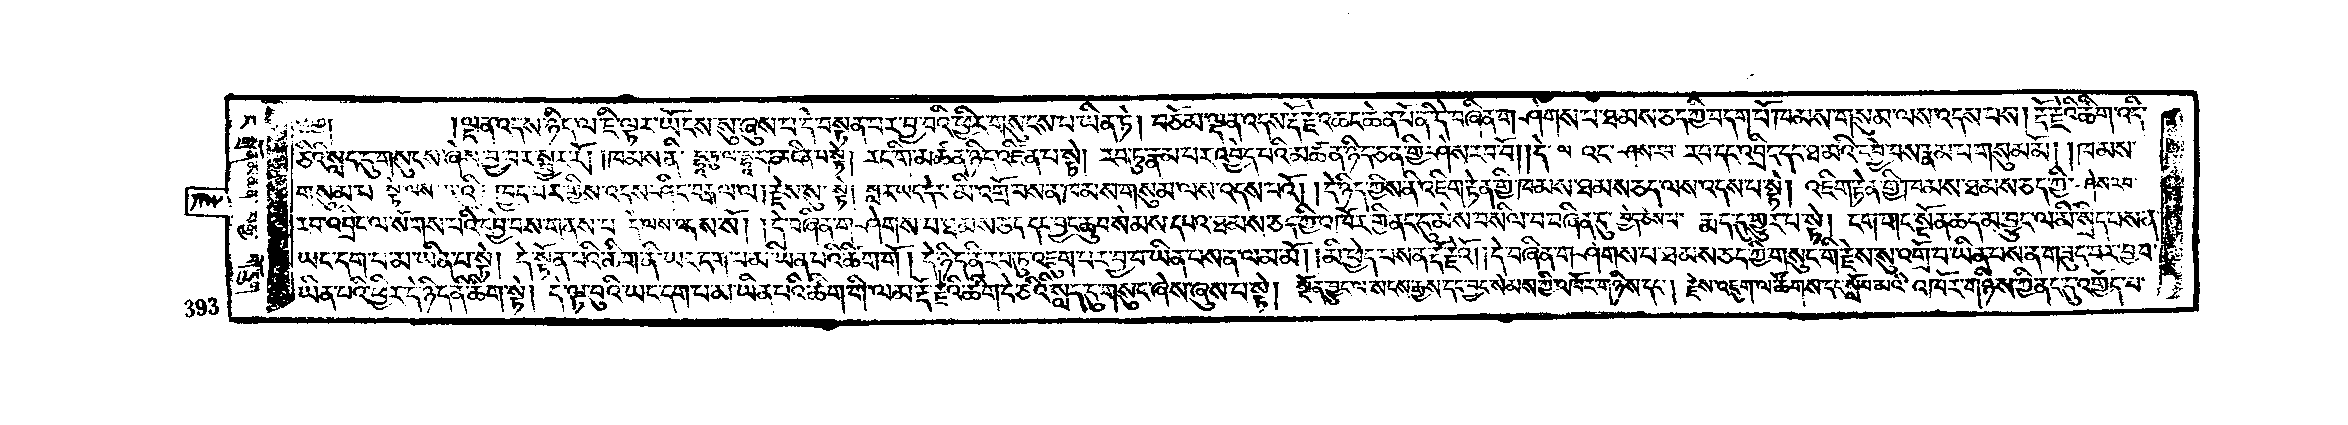༄༅། །ལྡན་འདས་ཉིད་ལ་ཇི་ལྟར་ཡོངས་སུ་ཞུས་པ་དེ་བསྟན་པར་བྱ་བའི་ཕྱིར་གསུངས་པ་ཡིན་ཏེ། བཅོམ་ལྡན་འདས་རྡོ་རྗེ་འཆང་ཆེན་པོ་ནི་དེ་བཞིན་གཤེགས་པ་ཐམས་ཅད་ཀྱི་བདག་པོ་ཁམས་གསུམ་ལས་འདས་པས། རྡོ་རྗེའི་ཚིག་འདི་
ཅིའི་སླད་དུ་གསུངས་ཞེས་བྱ་བར་སྦྱར་རོ། །ཁམས་ནི་དྷཱ་ཏུ་ལ་དྷཱ་ར་ཎ་འཛིན་པ་སྟེ། རང་གི་མཚན་ཉིད་འཛིན་པ་སྟེ། རབ་ཏུ་རྣམ་པར་འབྱེད་པའི་མཚན་ཉིད་ཅན་གྱི་ཤེས་རབ་བོ། །དེ་ལའང་ཤེས་རབ་རབ་དང་འབྲིང་དང་ཐ་མའི་དབྱེ་བས་རྣམ་པ་གསུམ་མོ། །ཁམས་
གསུམ་པ་སྟེ་ལས་འི་ཁྱད་པར་གྱིས་འདས་ཤིང་བརྒལ་ལ། རྗེས་སུ་སྟེ། སླར་ཡང་དེར་མི་འགྲོ་བས་ན་ཁམས་གསུམ་ལས་འདས་པའོ། །དེ་ཉིད་ཀྱིས་ནི་འཇིག་རྟེན་གྱི་ཁམས་ཐམས་ཅད་ལས་འདས་པ་སྟེ། འཇིག་རྟེན་གྱི་ཁམས་ཐམས་ཅད་ཀྱི་ཤེས་རབ
རབ་འབྲིང་ལ་སོགས་པའི་དབྱེ་བས་གནས་པ་དེ་ལས་འདས་སོ། །དེ་བཞིན་གཤེགས་པ་ཐམས་ཅད་དང་བྱང་ཆུབ་སེམས་དཔའ་ཐམས་ཅད་ཀྱི་འཁོར་གྱི་ནང་དུ་མེས་བསིལ་བ་བཞིན་དུ་བྱེད་ཅེས་པ་རྨད་དུ་གྱུར་པ་སྟེ། ངག་གང་སྔོན་ཆད་མ་བྱུང་ལ་མི་སྲིད་པས་ན་
ཡང་དག་པ་མ་ཡིན་པ་སྟེ། དེ་སྟོན་པའི་ཚིག་ནི་ཡང་དག་པ་མ་ཡིན་པའི་ཚིག་གོ །དེ་ཉིད་ནི་རབ་ཏུ་འཇུག་པར་བྱ་བ་ཡིན་པས་ན་ལམ་མོ། །མི་ཕྱེད་པས་ན་རྡོ་རྗེའོ། །དེ་བཞིན་གཤེགས་པ་ཐམས་ཅད་ཀྱི་གསུང་གི་རྗེས་སུ་འགྲོ་བ་ཡིན་པས་ན་གཟུང་བར་བྱ་བ་
ཡིན་པའི་ཕྱིར་དེ་ཉིད་ནི་ཚིག་སྟེ། དེ་ལྟ་བུའི་ཡང་དག་པ་མ་ཡིན་པའི་ཚིག་གི་ལམ་རྡོ་རྗེའི་ཚིག་དེ་ཅིའི་སླད་དུ་གསུང་ཞེས་ཞུས་པ་སྟེ། སྔོན་བྱུང་ལ་སངས་རྒྱས་དང་བྱང་སེམས་ཀྱི་འཁོར་གཉིས་དང་། རྗེས་འཇུག་ལ་ཚོགས་དང་སློབ་མའི་འཁོར་གཉིས་ཀྱི་ནང་དུ་འགྱོད་པ་